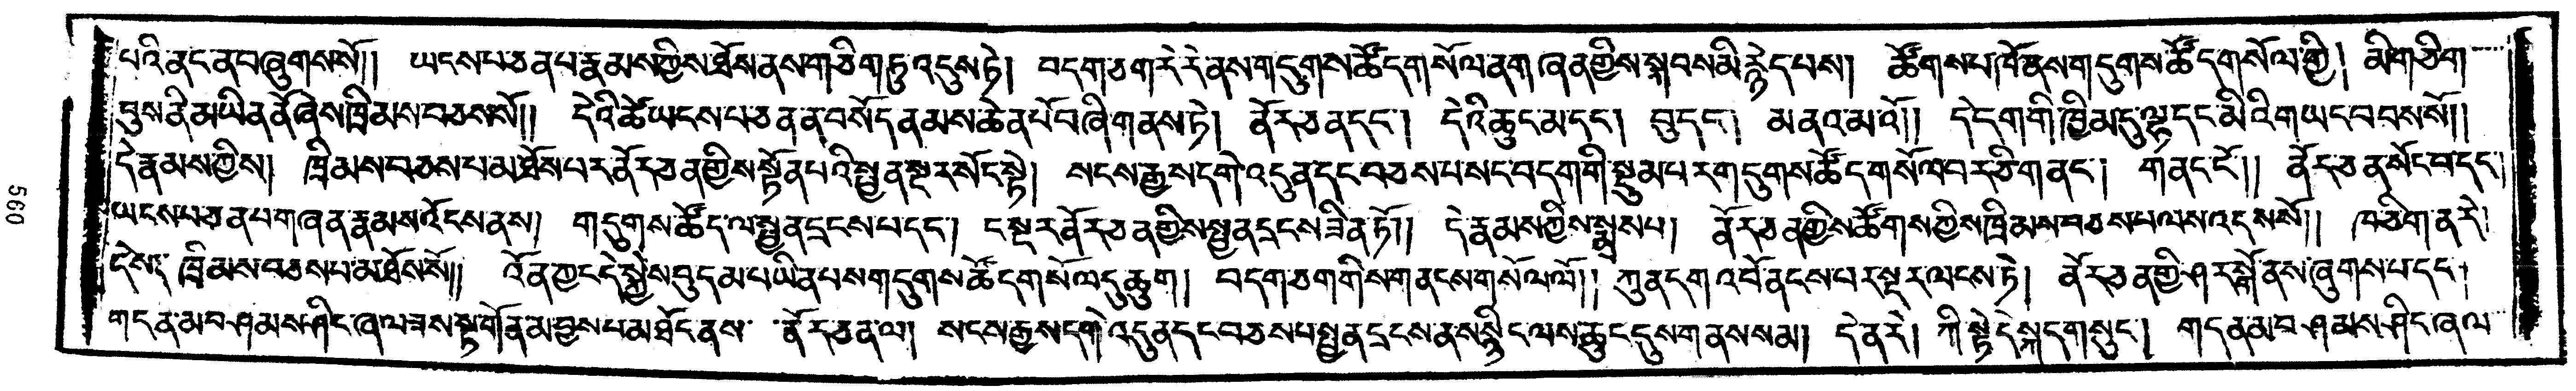པའི་ནང་ན་བཞུགས་སོ།། ཡངས་པ་ཅན་པ་རྣམས་ཀྱིས་ཐོས་ནས་གཅིག་ཏུ་འདུས་ཏེ། བདག་ཅག་རེ་རེ་ནས་གདུགས་ཚོད་གསོལ་ན་གཞན་གྱིས་སྐབས་མི་རྙེད་པས། ཚོགས་པ་ཁོ་ནས་གདུགས་ཚོད་གསོལ་གྱི། མི་གཅིག་
བུས་ནི་མ་ཡིན་ནོ་ཞེས་ཁྲིམས་བཅས་སོ།། དེའི་ཚེ་ཡངས་པ་ཅན་ན་བསོད་ནམས་ཆེན་པོ་བཞི་གནས་ཏེ། ནོར་ཅན་དང་། དེའི་ཆུང་མ་དང་། བུ་དང་། མནའ་མ་འོ། །དེ་དག་གི་ཁྱིམ་དུ་ལྷ་དང་མིའི་ཡང་བབས་སོ། །
དེ་རྣམས་ཀྱིས། ཁྲིམས་བཅས་པ་མ་ཐོས་པར་ནོར་ཅན་གྱིས་སྟོན་པའི་སྤྱན་སྔར་སོང་སྟེ། སངས་རྒྱས་དགེ་འདུན་དང་བཅས་པ་སང་བདག་གི་སྡུམ་པར་གདུགས་ཚོད་གསོལ་བར་ཅི་གནང༑ གནང་ངོ། །ནོར་ཅན་སོང་བ་དང་།
ཡངས་པ་ཅན་པ་གཞན་རྣམས་འོངས་ནས། གདུགས་ཚོད་ལ་སྤྱན་དྲངས་པ་དང་། ང་སྔར་ནོར་ཅན་གྱིས་སྤྱན་དྲངས་ཟིན་ཏོ། དེ་རྣམས་ཀྱིས་སྨྲས་པ། ནོར་ཅན་གྱིས་ཚོགས་ཀྱིས་ཁྲིམས་བཅས་པ་ལས་འདས་སོ།། ཁ་ཅིག་ན་རེ།
དེས༑ ཁྲིམས་བཅས་པ་མ་ཐོས་སོ།། འོན་ཀྱང་དེ་སྐྱེས་བུ་དམ་པ་ཡིན་པས་གདུགས་ཚོད་གསོལ་དུ་ཆུག། བདག་ཅག་གིས་གནངས་གསོལ་ལོ།། ཀུན་དགའ་བོ་ནངས་པར་སྔར་ལངས་ཏེ། ནོར་ཅན་གྱི་ཤར་སྒོ་ནས་ཞུགས་པ་དང་།
གདན་མ་བཤམས་ཤིང་ཞལ་ཟས་སྟ་གོན་མ་བྱས་པ་མཐོང་ནས་ནོར་ཅན་ལ། སངས་རྒྱས་དགེ་འདུན་དང་བཅས་པ་སྤྱན་དྲངས་ནས་སྙིང་ལས་ཆུང་དུས་གནས་སམ། དེ་ན་རེ། ཀི་སྟེ་དེ་སྐད་གསུང་། གདན་མ་བཤམས་ཤིང་ཞལ་